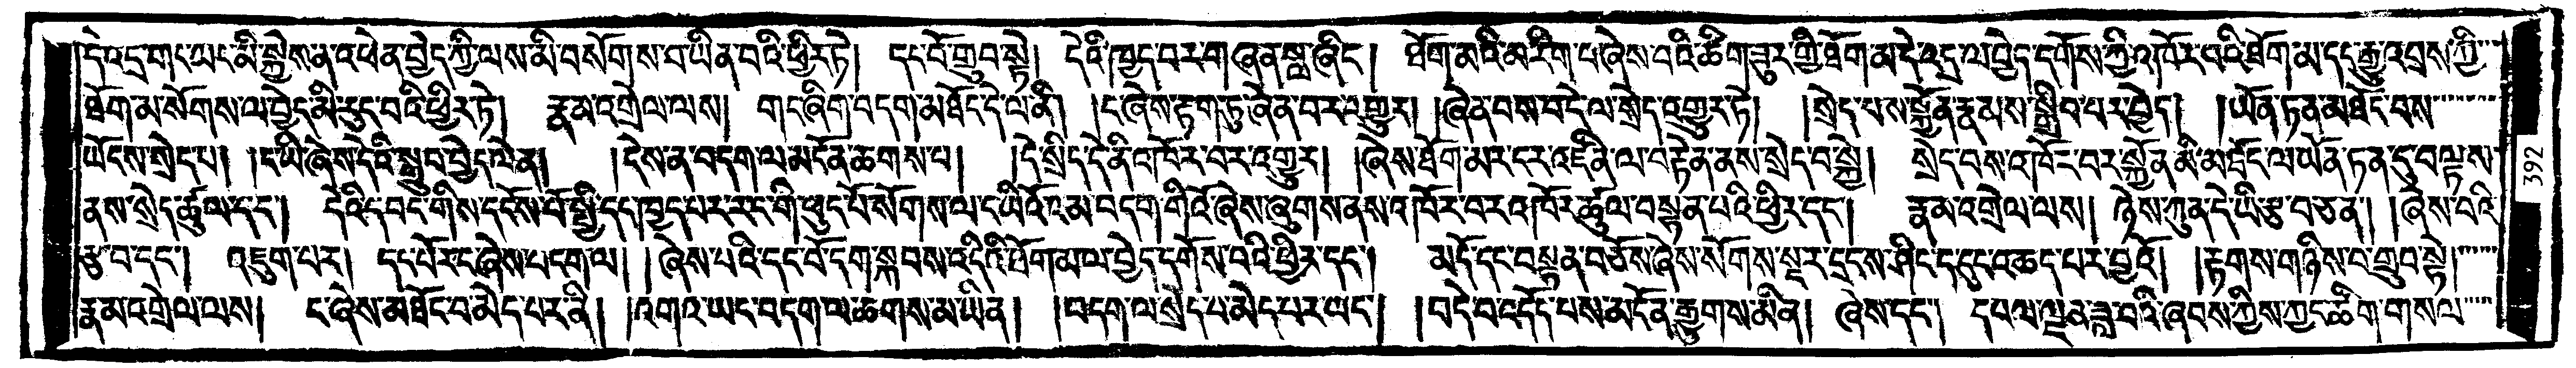དེ་འདྲ་གང་ཡང་མི་སྐྱེས་ན་འཕེན་བྱེད་ཀྱི་ལས་མི་བསོགས་པ་ཡིན་པའི་ཕྱིར་ཏེ། དང་པོ་གྲུབ་སྟེ། དེའི་ཁྱད་པར་གཞན་སླ་ཞིང་། ཐོག་མའི་མ་རིག་པ་ཞེས་པའི་ཚིག་ཟུར་གྱི་ཐོག་མ་དེ་འདྲ་ལ་བྱེད་དགོས་ཀྱི་འཁོར་བའི་ཐོག་མ་དང་རྒྱུ་འབྲས་ཀྱི་
ཐོག་མ་སོགས་ལ་བྱེད་མི་རུང་བའི་ཕྱིར་ཏེ། རྣམ་འགྲེལ་ལས། གང་ཞིག་བདག་མཐོང་དེ་ལ་ནི། །ང་ཞེས་རྟག་ཏུ་ཞེན་བར་འགྱུར། །ཞེན་བས་བདེ་ལ་སྲེད་འགྱུར་ཏེ། །སྲེད་པས་སྐྱོན་རྣམས་སྒྲིབ་པར་བྱེད། །ཡོན་ཏན་མཐོང་བས་
ཡོངས་སྲེད་པ། །ང་ཡི་ཞེས་དེའི་སྒྲུབ་བྱེད་ལེན། །དེས་ན་བདག་ལ་མངོན་ཆགས་པ། །དེ་སྲིད་དེ་ནི་འཁོར་བར་འགྱུར། །ཞེས་ཐོག་མར་ངར་འཛིན་ལ་བརྟེན་ནས་སྲེད་བ་སྐྱེ། སྲེད་བས་འཁོར་བར་སྐྱོན་མི་མཐོང་ལ་ཡོན་ཏན་དུ་བལྟས་
ནས་སྲེད་ཚུལ་དང་། དེའི་དབང་གིས་དངོས་པོ་སྤྱི་དང་ཁྱད་པར་རང་གི་ཕུང་པོ་སོགས་ལ་ང་ཡི་འོ་འམ་བདག་གིའོ་ཞེས་ཞུགས་ནས་འཁོར་བར་འཁོར་ཚུལ་བསྟན་པའི་ཕྱིར་དང་། རྣམ་འགྲེལ་ལས། ཉེས་ཀུན་དེ་ཡི་རྩ་བ་ཅན། །ཞེས་པའི་
རྩ་བ་དང་། འཇུག་པར། དང་པོར་ང་ཞེས་པ་དག་ལ། །ཞེས་པའི་དང་པོ་དག་སྐབས་འདིའི་ཐོག་མ་ལ་བྱེད་དགོས་པའི་ཕྱིར་དང་། མདོ་དང་བསྟན་བཅོས་ཞེས་སོགས་སྔར་དྲངས་ཤིང་ད་དུང་འཆད་པར་བྱའོ། །རྟགས་གཉིས་པ་གྲུབ་སྟེ།
རྣམ་འགྲེལ་ལས། ང་ཞེས་མཐོང་བ་མེད་པར་ནི། །འགའ་ཡང་བདག་ལ་ཆགས་མ་ཡིན། །བདག་ལ་སྲེད་པ་མེད་པར་ཡང་། །བདེ་བ་འདོད་པས་མངོན་རྒྱུགས་མིན། ཞེས་དང་། དཔལ་ལྡན་ཟླ་བའི་ཞབས་ཀྱིས་ཀྱང་ཚིག་གསལ་